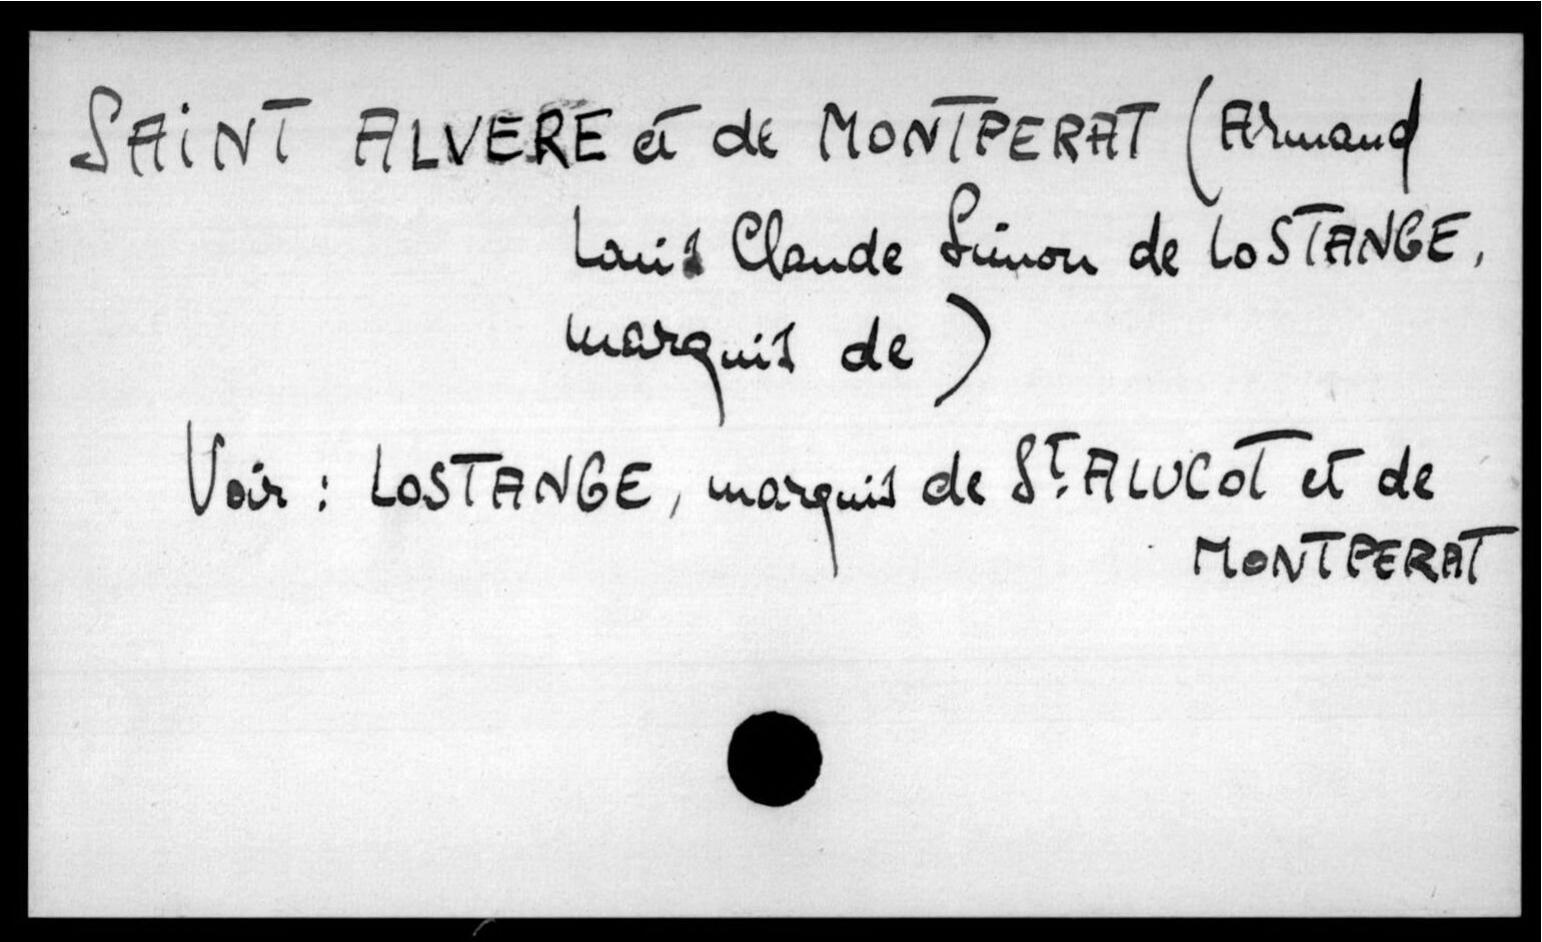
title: SAINT ALVERE et de MONTPERAT (Armand Louis Claude Simon de LOSTANGE, marquis de)
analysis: voir : LOSTANGE, marquis de Saint-ALUCOT et de MONTPERAT
